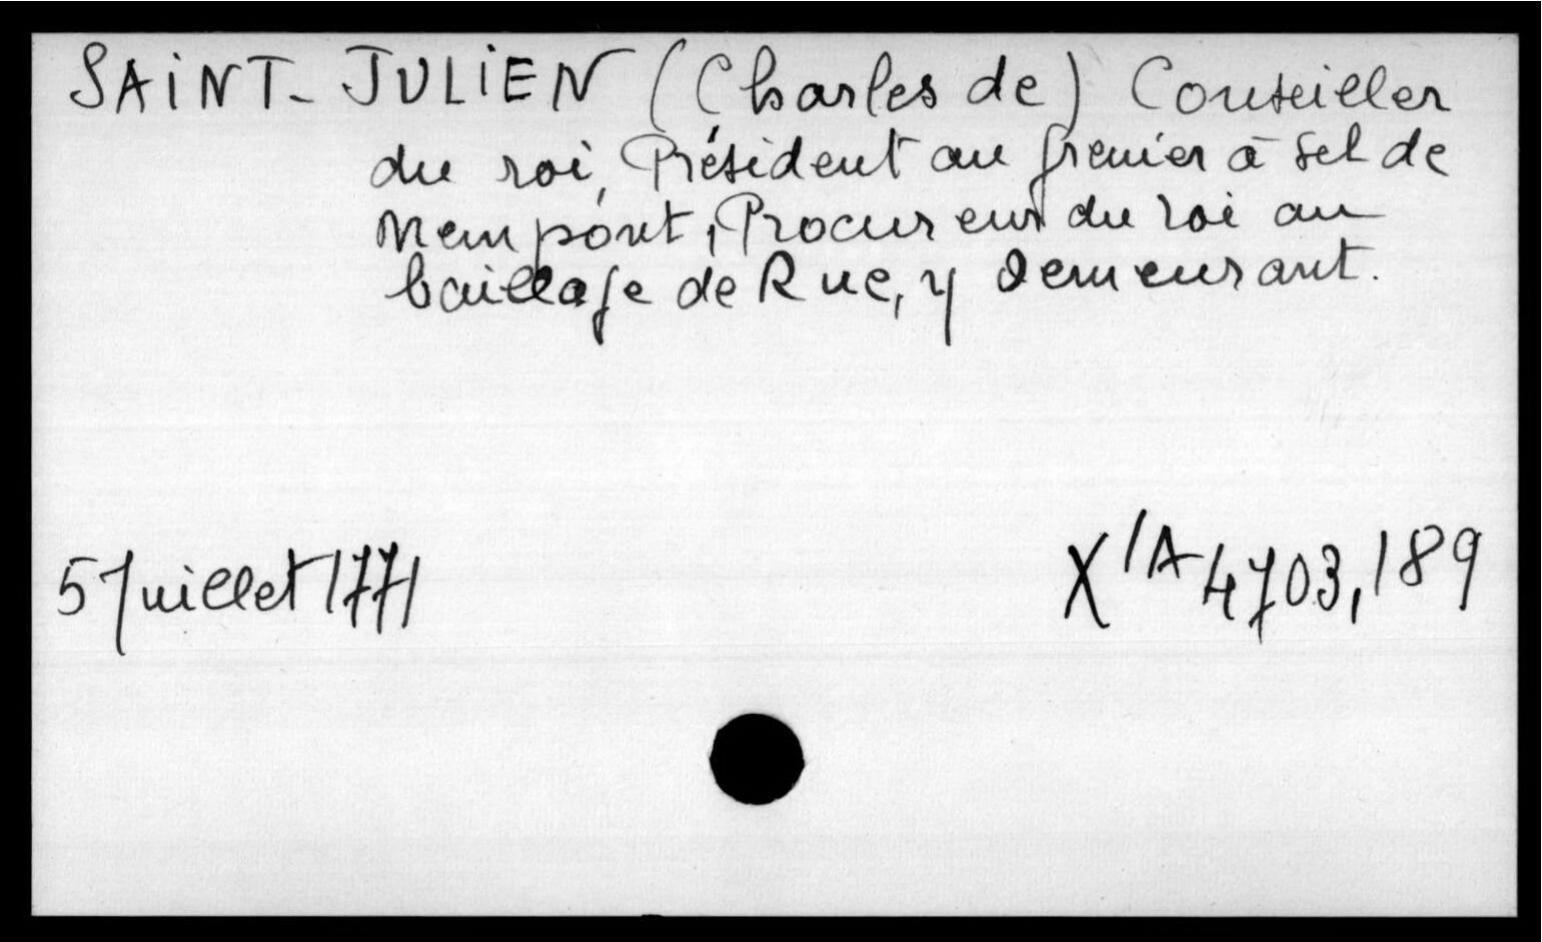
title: SAINT-JULIEN (Charles de) Conseiller du roi, président au Grenier à sel de Nempont, Procureur du roi au baillage de Rue, y demeurant.
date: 5 juillet 1771
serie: X1A
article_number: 4703
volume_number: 189
